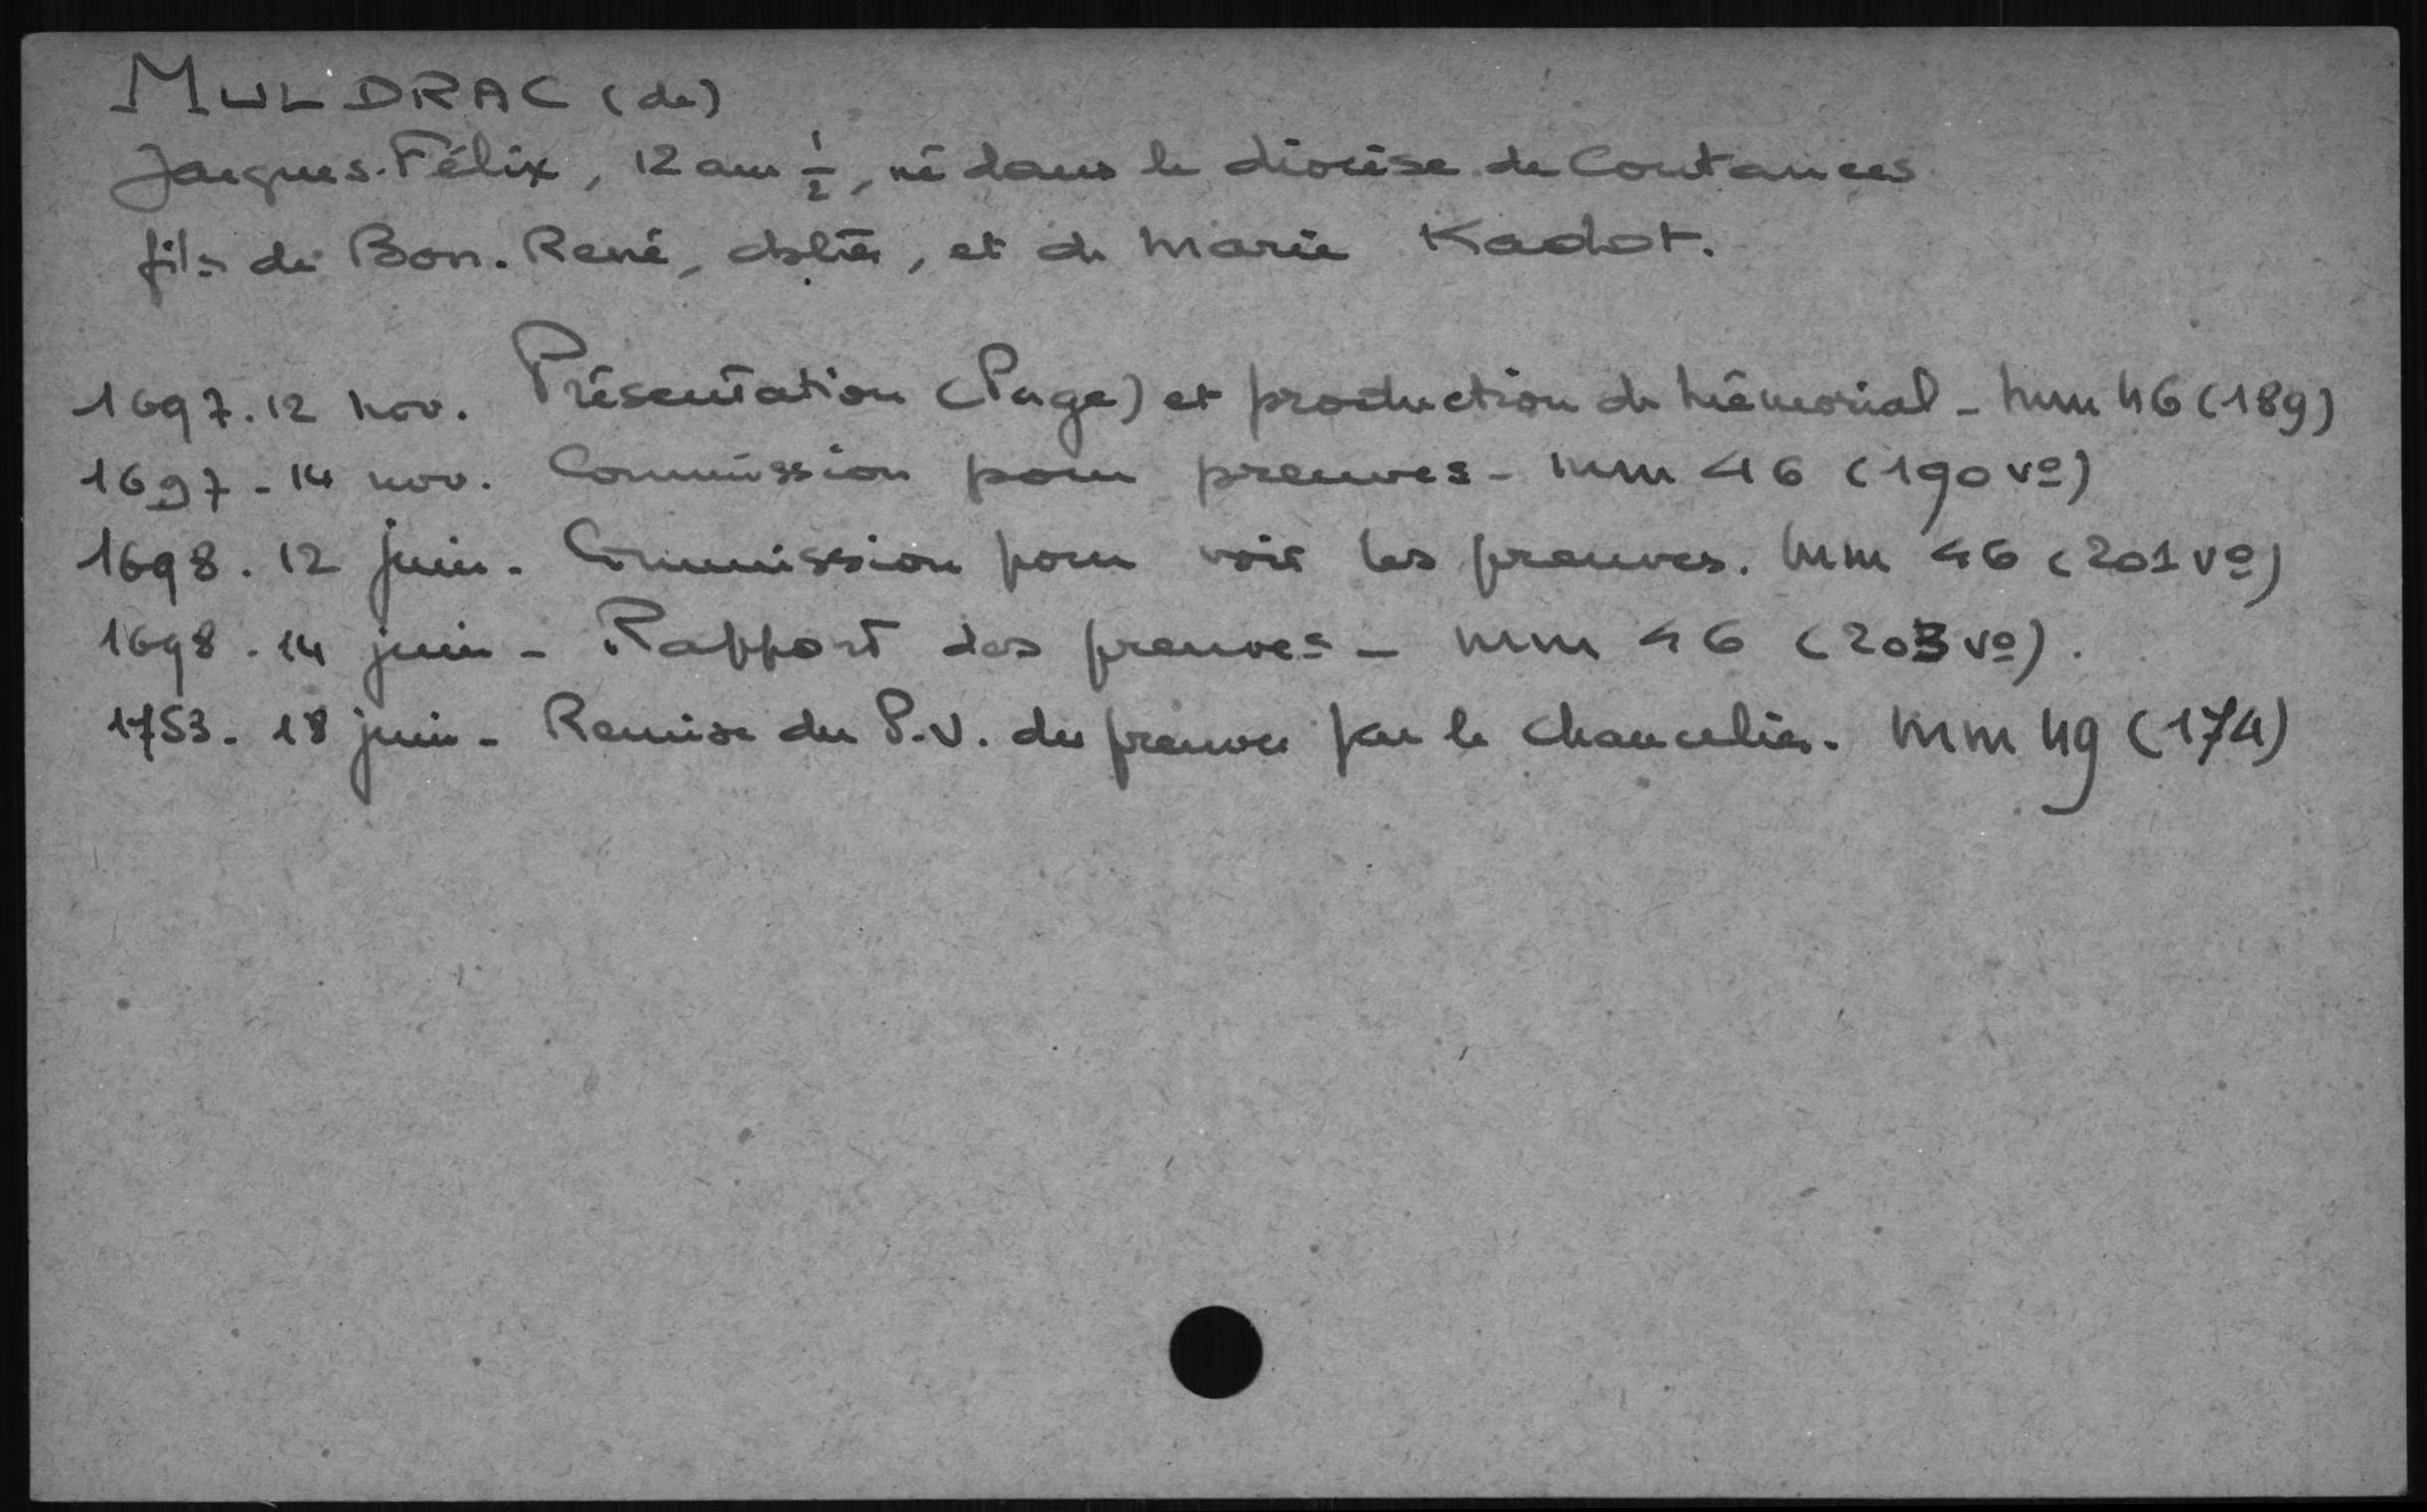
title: MULDRAC (de) Jacques-Félix, 12 ans et demi, né dans le diocèse de Coutances fils de Bon-René, chevalier, et de Marie Kadot.
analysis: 1697, 12 novembre Présentation (Page) et production de mémorial. MM 46 (189) 1697, 14 novembre Commission pour preuves. MM 46 (190v) 1698, 12 juin. Commission pour voir les preuves. MM 46 (201v) 1698, 14 juin. Rapport des preuves. MM 46 (203v) 1753, 18 juin. Remise du procès-verbal des preuves par le chancelier. MM 49 (174)
